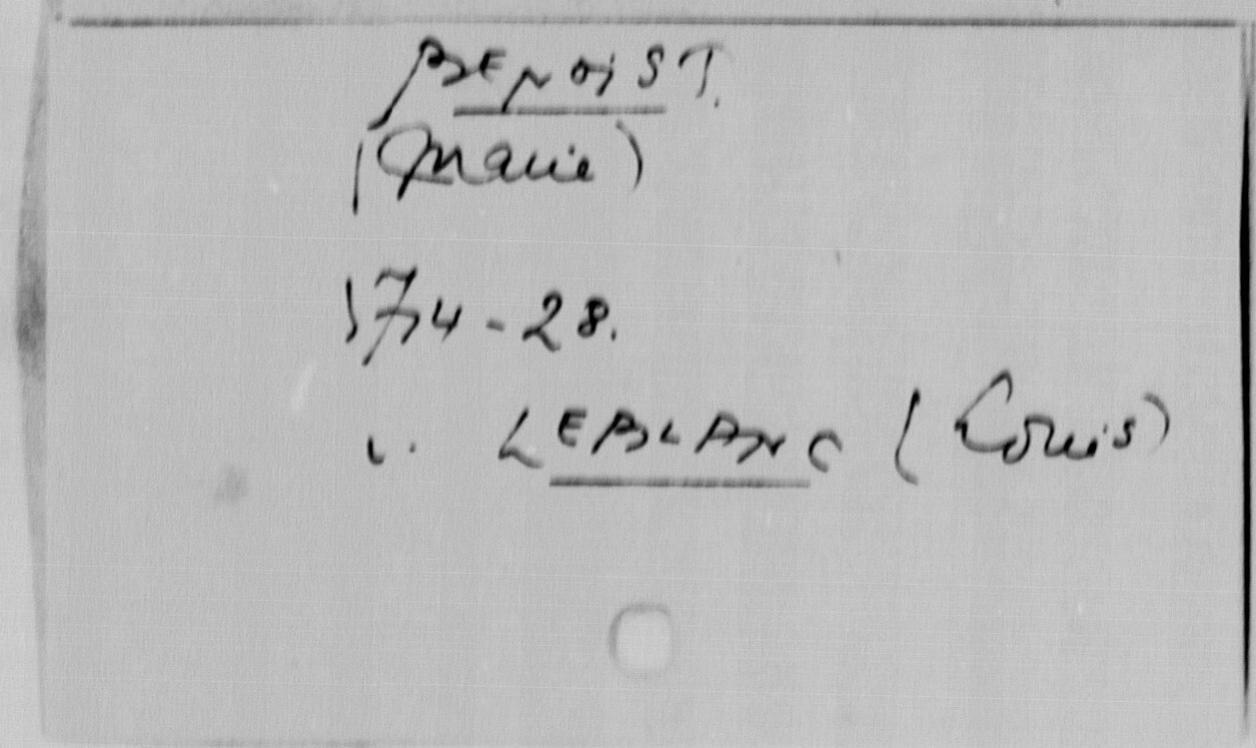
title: BENOIST (Marie)
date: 1714-1728
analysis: Voir : LEBLANC (Louis)
